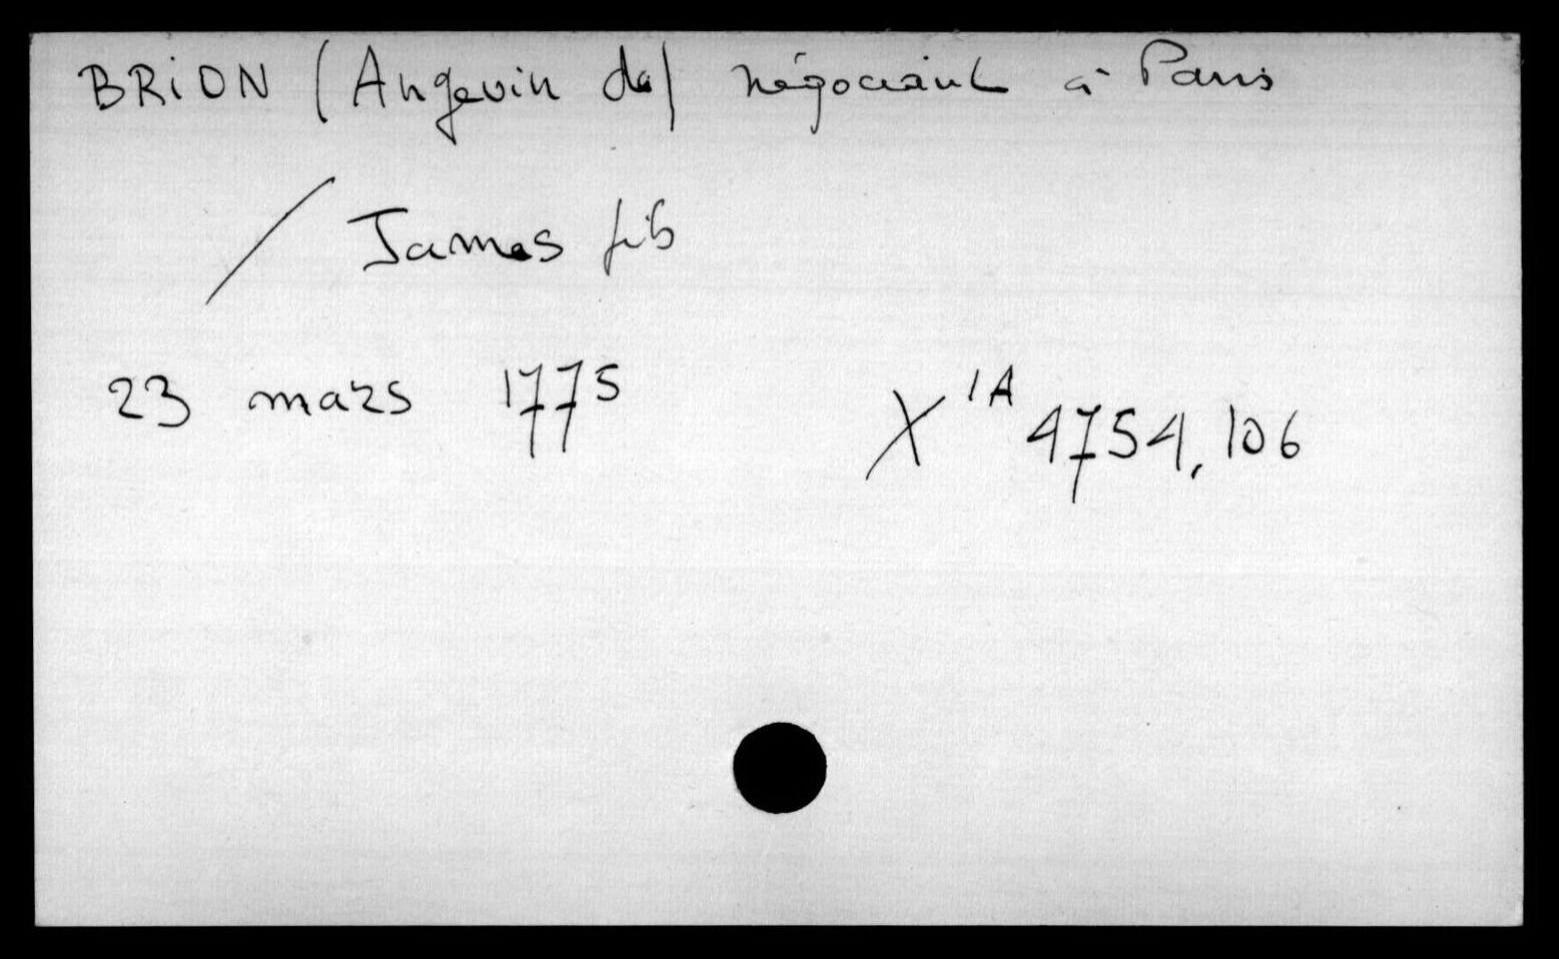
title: BRION (Angevin de) négociant à Paris
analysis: Contre James fils
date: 23 mars 1775
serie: X1A
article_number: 4754
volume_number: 106
